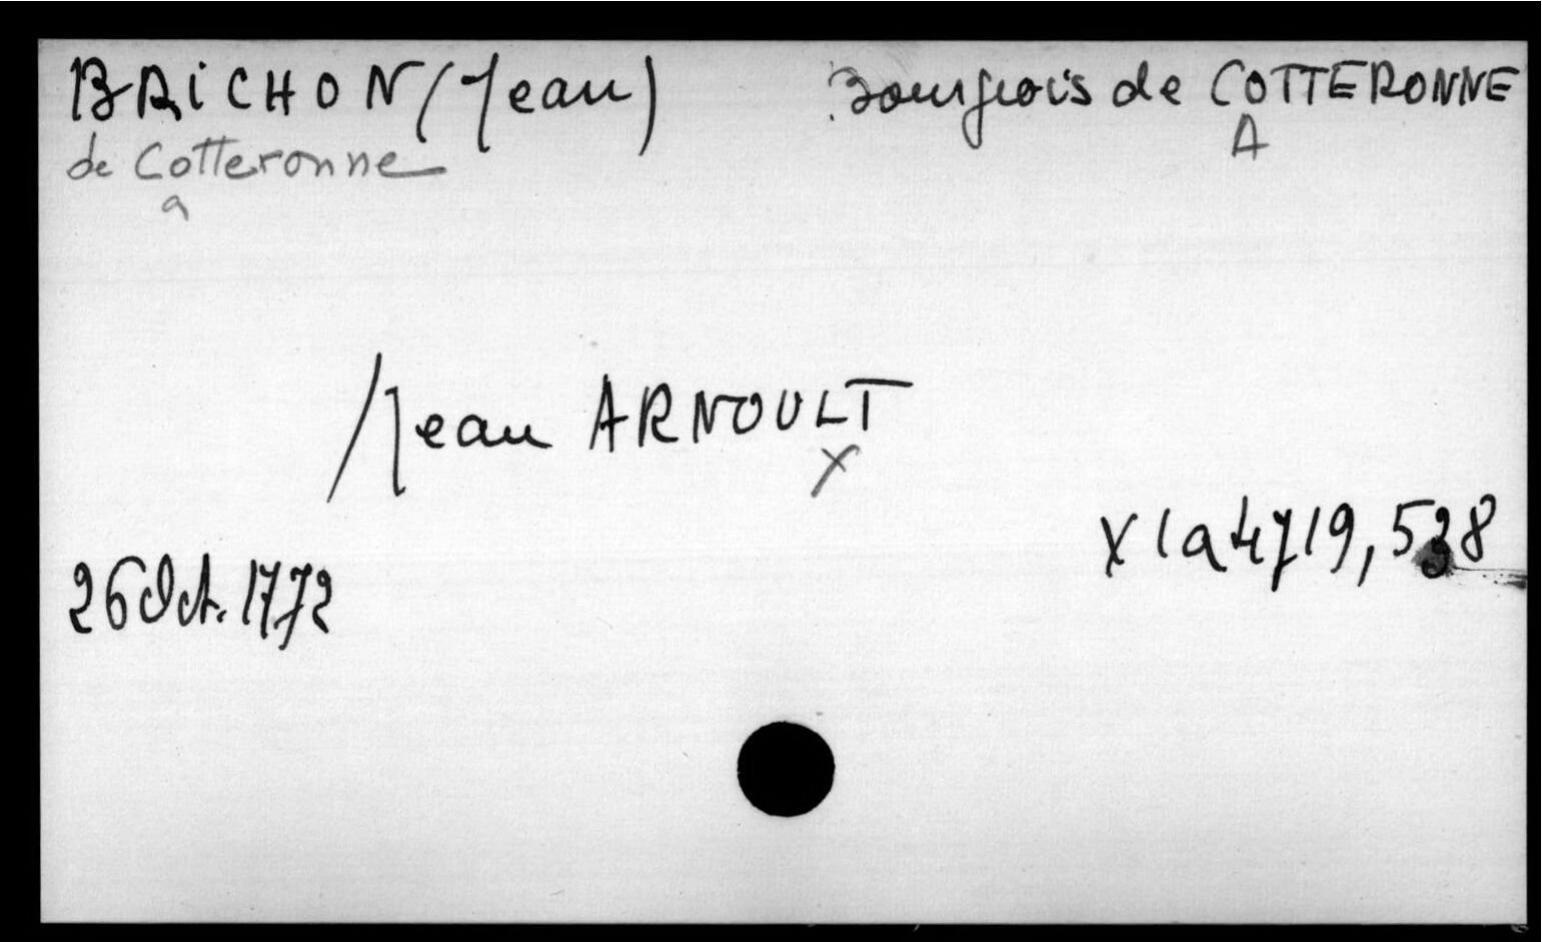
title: BRICHON (Jean) de Cotteronne
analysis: Contre Jean ARNOULT
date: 26 octobre 1772
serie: X1a
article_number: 4719
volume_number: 528
